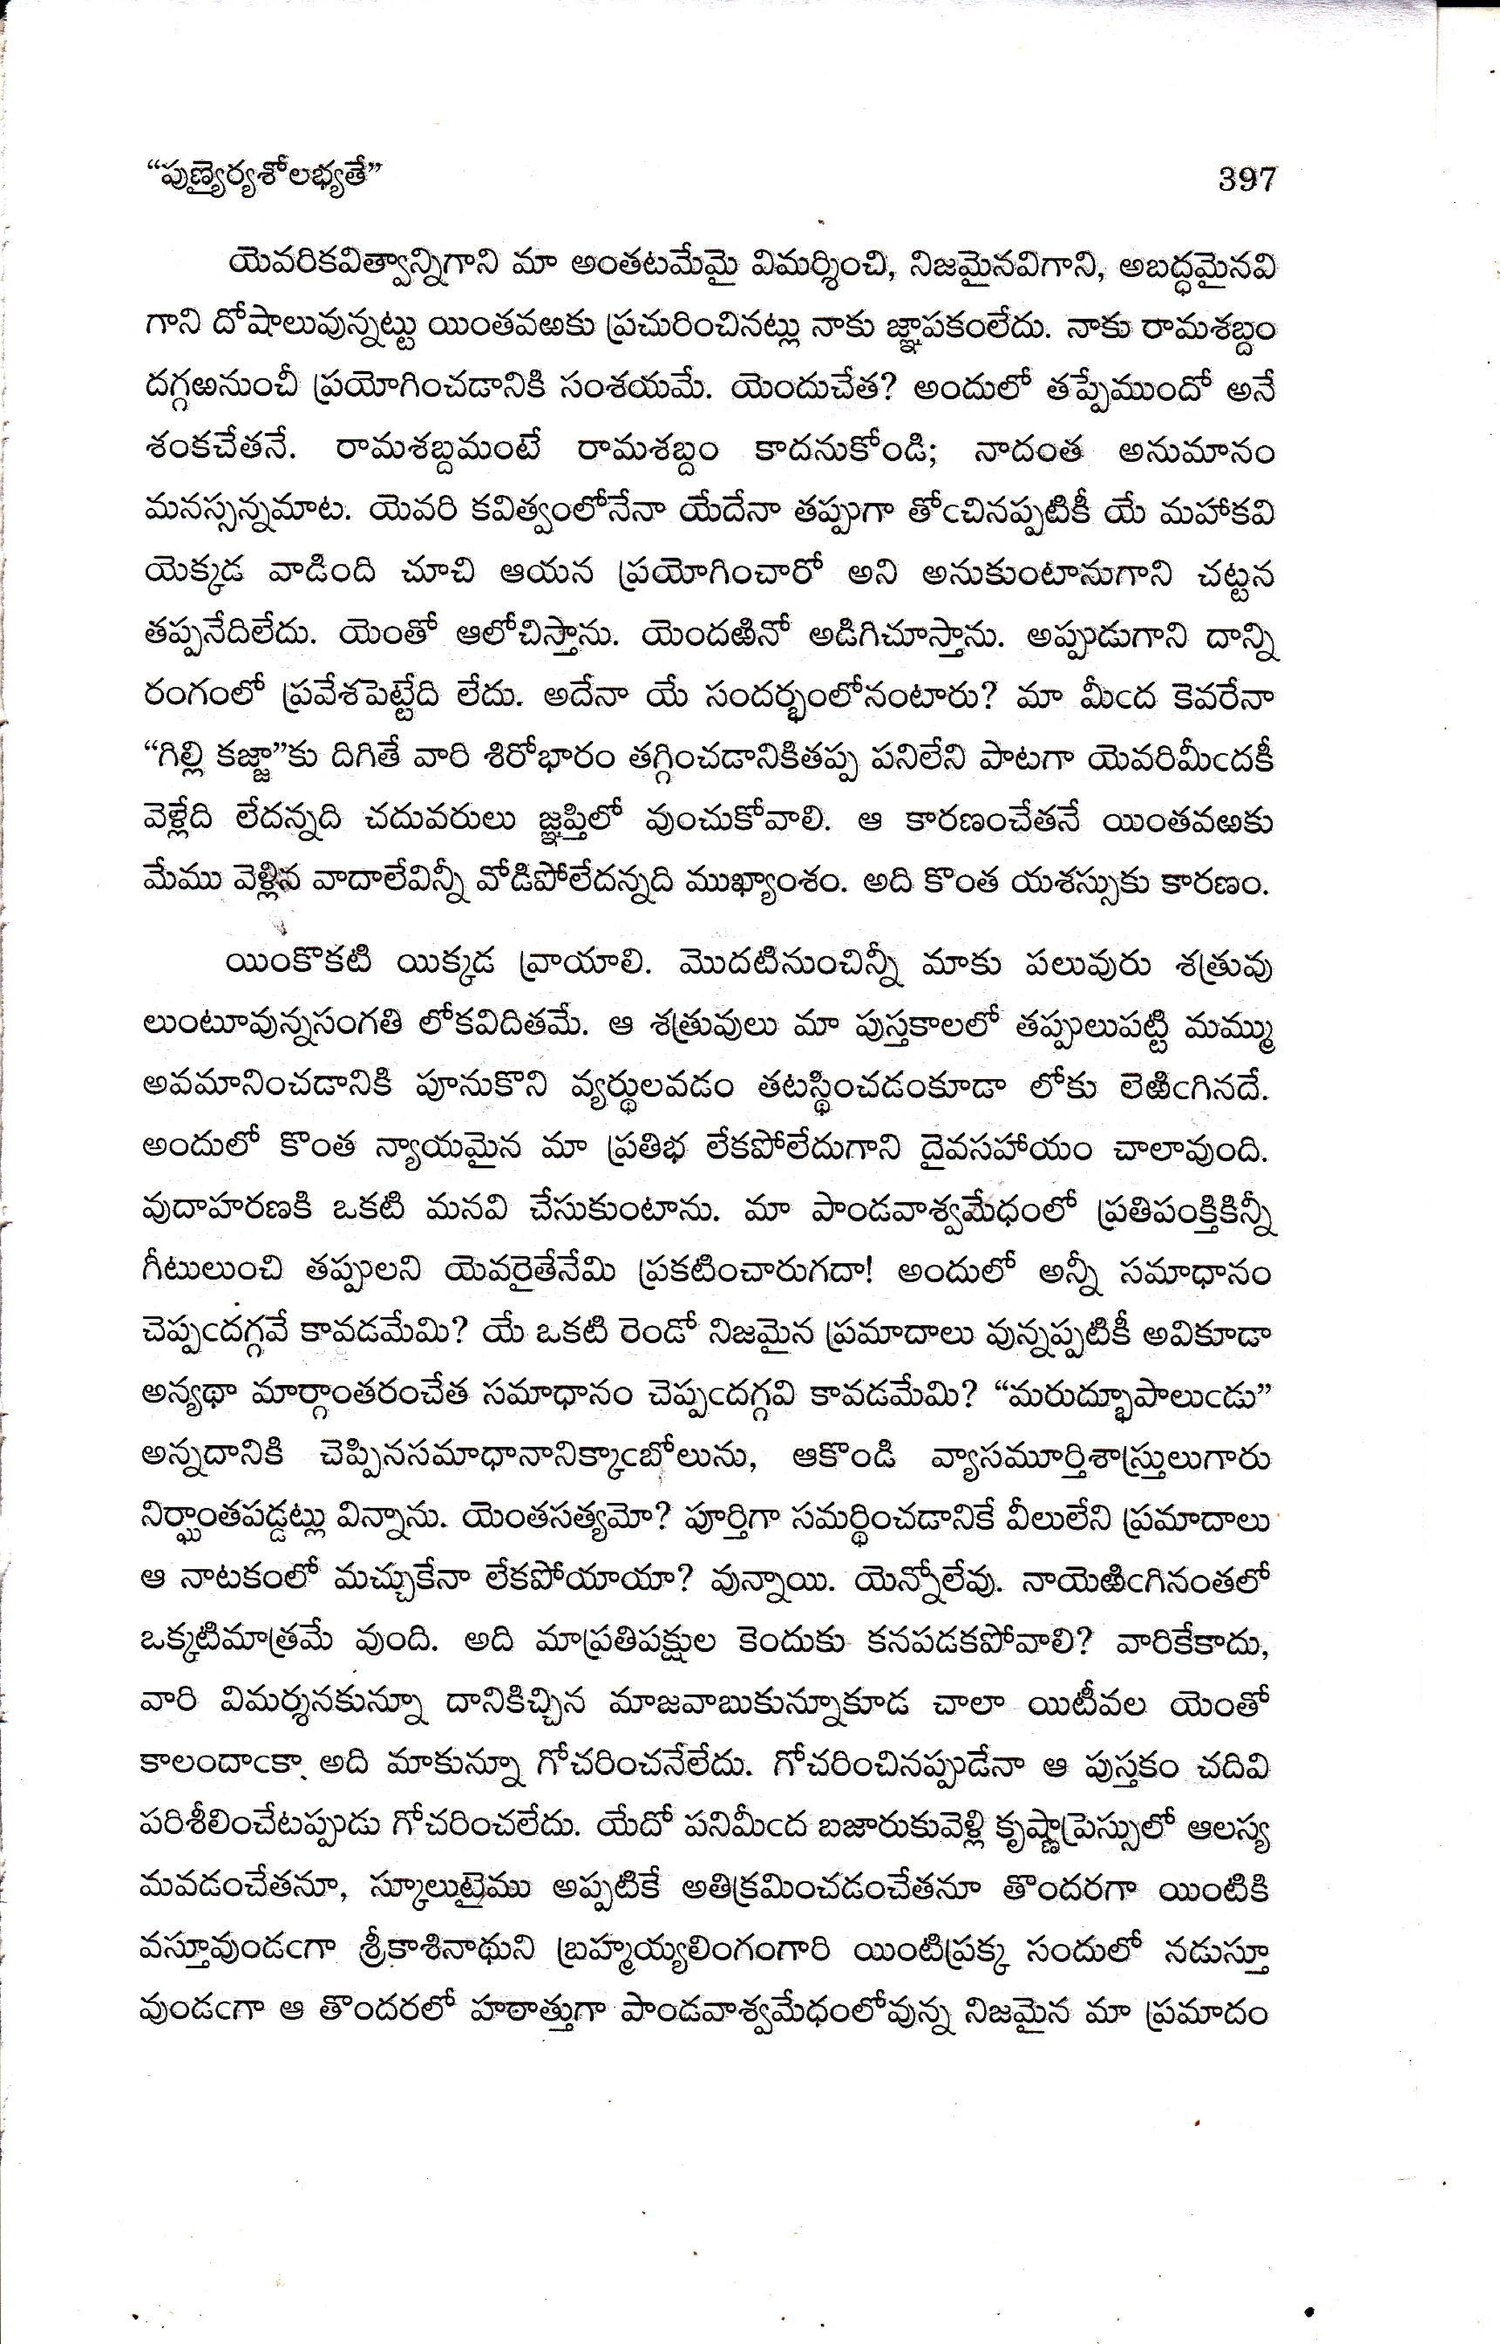యెవరికవిత్వాన్నిగాని మా అంతటమేమై విమర్శించి, నిజమైనవిగాని, అబద్ధమైనవిగాని దోషాలువున్నట్టు యింతవఱకు ప్రచురించినట్లు నాకు జ్ఞాపకంలేదు. నాకు రామశబ్దం దగ్గఱనుంచీ ప్రయోగించడానికి సంశయమే. యెందుచేత? అందులో తప్పేముందో అనే శంకచేతనే. రామశబ్దమంటే రామశబ్దం కాదనుకోండి; నాదంత అనుమానం మనస్సన్నమాట. యెవరి కవిత్వంలోనేనా యేదేనా తప్పుగా తోఁచినప్పటికీ యే మహాకవి యెక్కడ వాడింది చూచి ఆయన ప్రయోగించారో అని అనుకుంటానుగాని చట్టన తప్పనేదిలేదు. యెంతో ఆలోచిస్తాను. యెందఱినో అడిగిచూస్తాను. అప్పుడుగాని దాన్ని రంగంలో ప్రవేశపెట్టేది లేదు. అదేనా యే సందర్భంలోనంటారు? మా మీఁద కెవరేనా “గిల్లి కజ్ఞా"కు దిగితే వారి శిరోభారం తగ్గించడానికితప్ప పనిలేని పాటగా యెవరిమీఁదకీ వెళ్లేది లేదన్నది చదువరులు జ్ఞప్తిలో వుంచుకోవాలి. ఆ కారణంచేతనే యింతవఱకు మేము వెళ్లిన వాదాలేవిన్నీ వోడిపోలేదన్నది ముఖ్యాంశం. అది కొంత యశస్సుకు కారణం.

యింకొకటి యిక్కడ వ్రాయాలి. మొదటినుంచిన్నీ మాకు పలువురు శత్రువు లుంటూవున్నసంగతి లోకవిదితమే. ఆ శత్రువులు మా పుస్తకాలలో తప్పులుపట్టి మము అవమానించడానికి పూనుకొని వ్యర్టులవడం తటస్థించడంకూడా లోకు లెఱిఁగినదే. అందులో కొంత న్యాయమైన మా ప్రతిభ లేకపోలేదుగాని దైవసహాయం చాలావుంది. వుదాహరణకి ఒకటి మనవి చేసుకుంటాను. మా పాండవాశ్వమేధంలో ప్రతిపంక్తికిన్నీ గీటులుంచి తప్పులని యెవరైతేనేమి ప్రకటించారుగదా! అందులో అన్నీ సమాధానం చెప్పఁదగ్గవే కావడమేమి? యే ఒకటి రెండో నిజమైన ప్రమాదాలు వున్నప్పటికీ అవికూడా అన్యథా మార్గాంతరంచేత సమాధానం చెప్పఁదగ్గవి కావడమేమి? “మరుద్భూపాలుఁడు" అన్నదానికి చెప్పినసమాధానానిక్కాcబోలును, ఆకొండి వ్యాసమూర్తిశాస్త్రులుగారు నిర్ఘాంతపడ్డట్లు విన్నాను. యెంతసత్యమో? పూర్తిగా సమర్థించడానికే వీలులేని ప్రమాదాలు ఆ నాటకంలో మచ్చుకేనా లేకపోయాయా? వున్నాయి. యెన్నోలేవు. నాయెఱిఁగినంతలో ఒక్కటిమాత్రమే వుంది. అది మాప్రతిపక్షుల కెందుకు కనపడకపోవాలి? వారికేకాదు, వారి విమర్శనకున్నూ దానికిచ్చిన మాజవాబుకున్నూకూడ చాలా యిటీవల యెంతో కాలందాఁకా అది మాకున్నూ గోచరించనేలేదు. గోచరించినప్పుడేనా ఆ పుస్తకం చదివి పరిశీలించేటప్పుడు గోచరించలేదు. యేదో పనిమీఁద బజారుకువెళ్లి కృష్ణాప్రెస్సులో ఆలస్య మవడంచేతనూ, స్కూలుటైము అప్పటికే అతిక్రమించడంచేతనూ తొందరగా యింటికి వస్తూవుండంగా శ్రీకాశినాథుని బ్రహ్మయ్యలింగంగారి యింటిప్రక్క సందులో నడుస్తూ వుండఁగా ఆ తొందరలో హఠాత్తుగా పాండవాశ్వమేధంలోవున్న నిజమైన మా ప్రమాదం